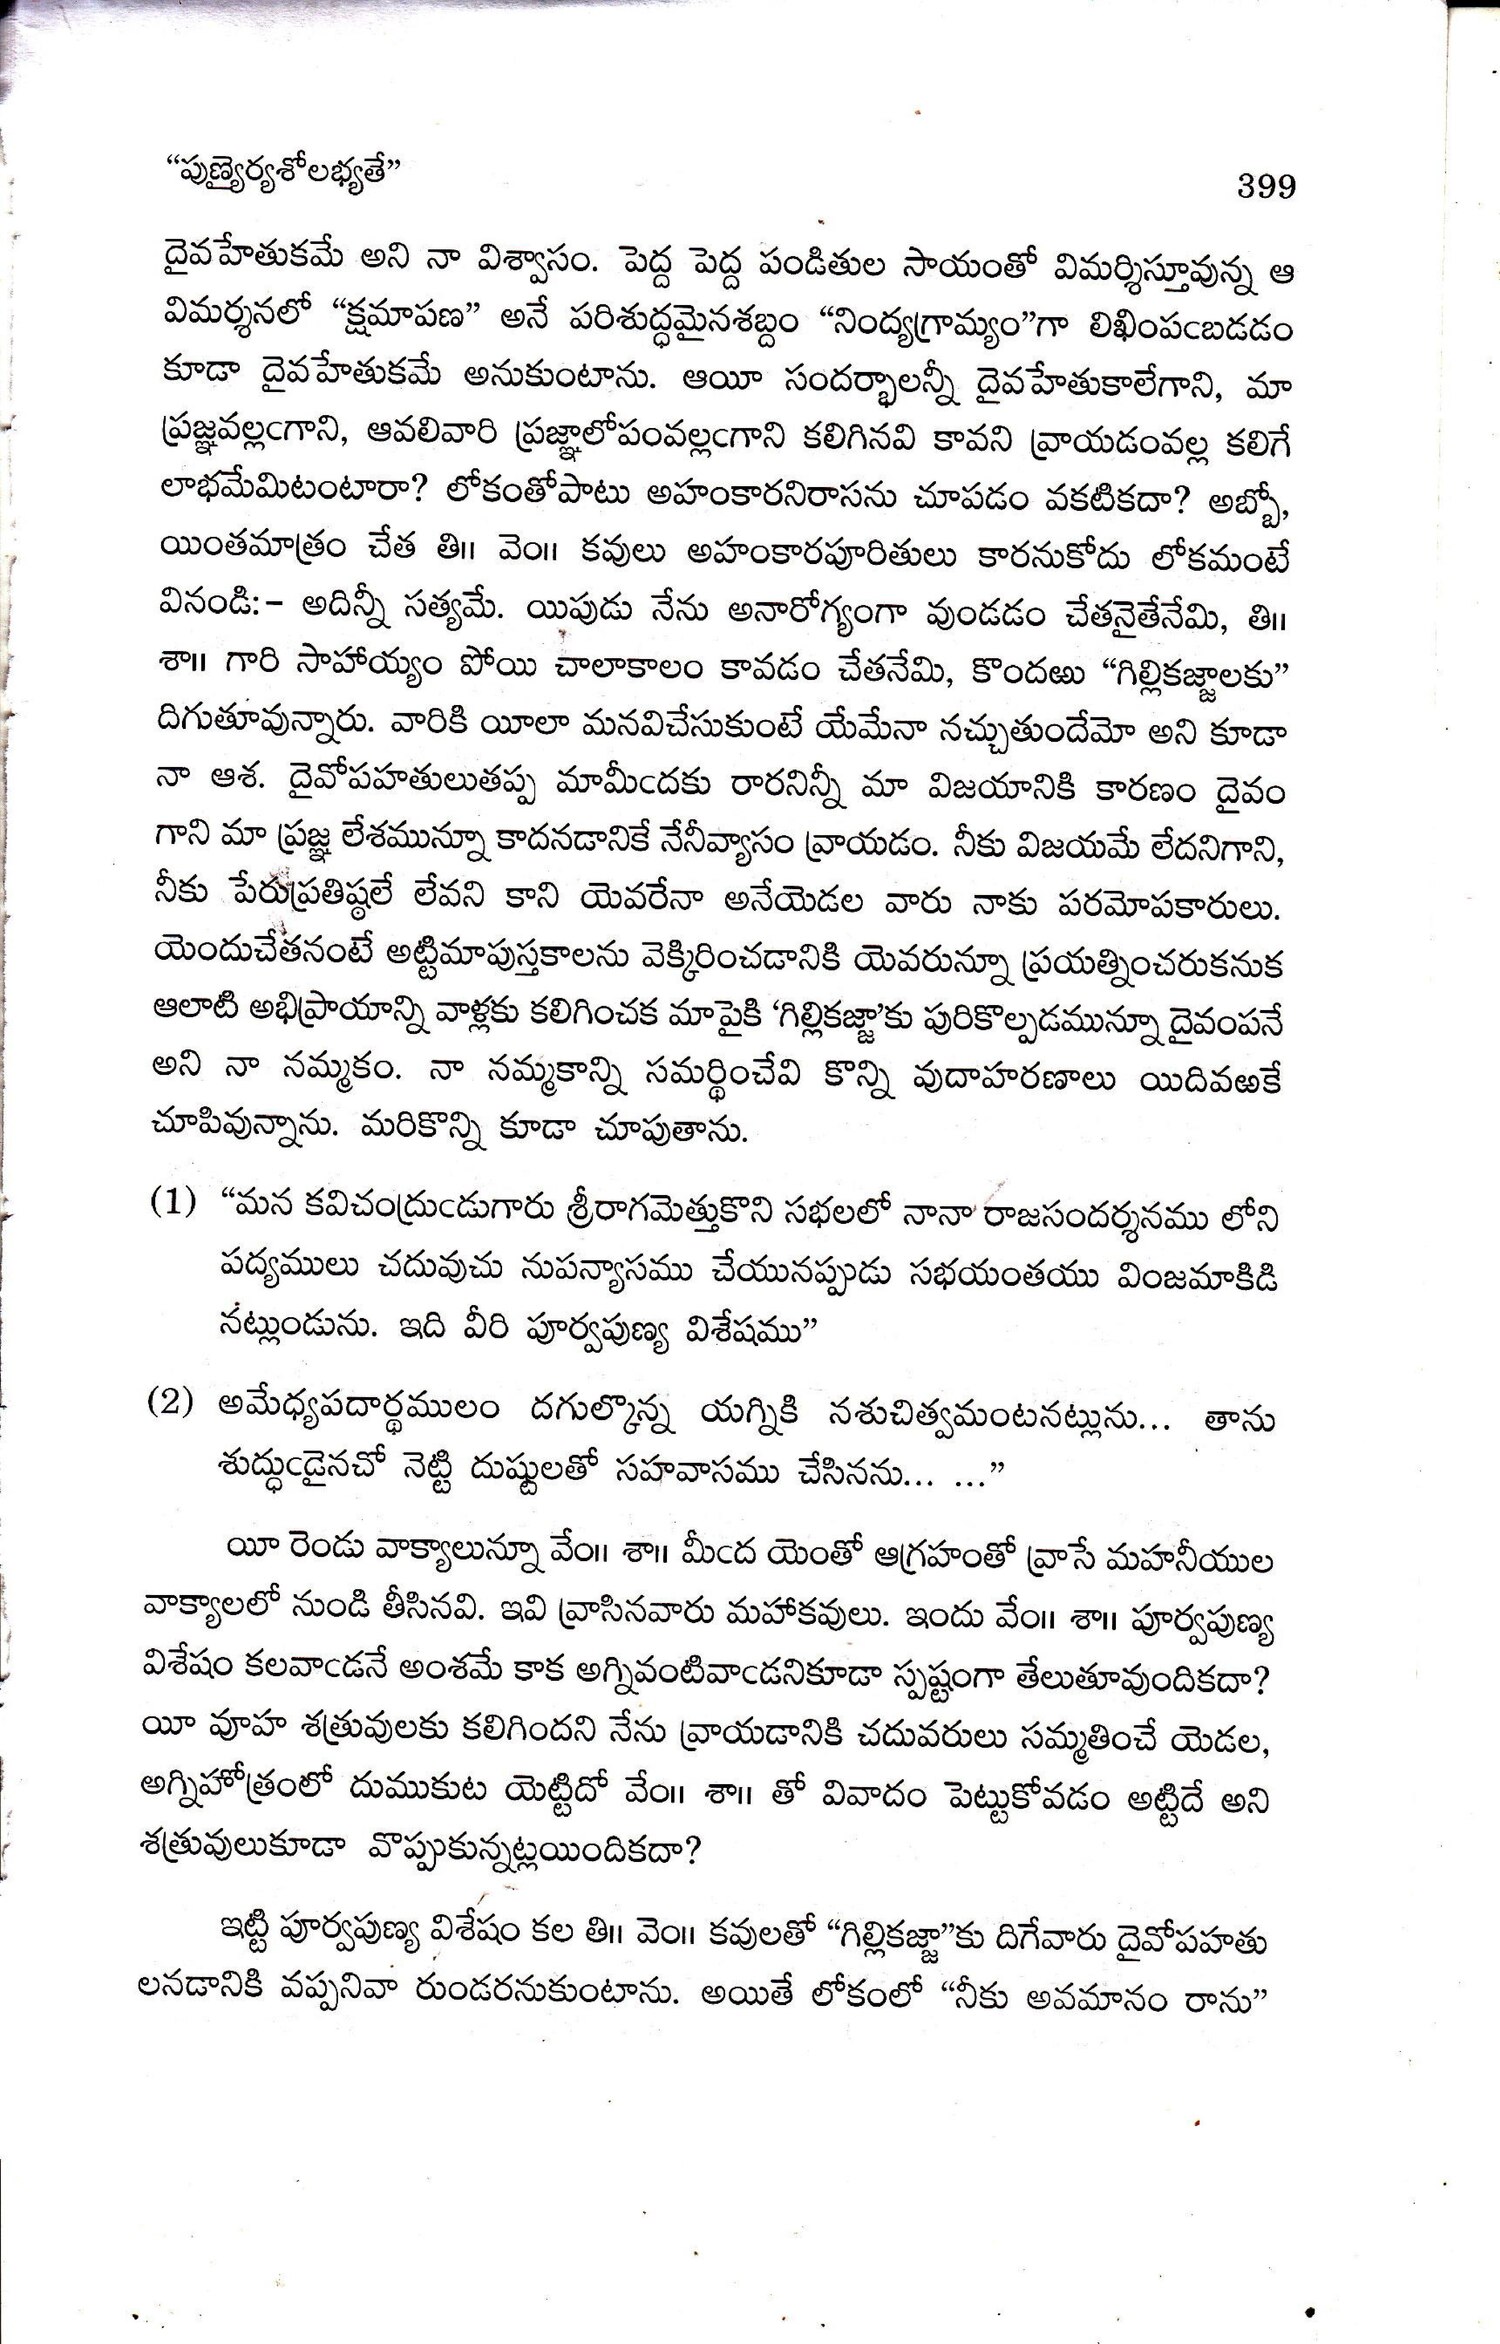దైవహేతుకమే అని నా విశ్వాసం. పెద్ద పెద్ద పండితుల సాయంతో విమర్శిస్తూవున్న ఆ విమర్శనలో "క్షమాపణ" అనే పరిశుద్ధమైనశబ్దం "నింద్యగ్రామ్యం"గా లిఖింపఁబడడం కూడా దైవహేతుకమే అనుకుంటాను. ఆయీ సందర్భాలన్నీ దైవహేతుకాలేగాని, మా ప్రజ్ఞవల్లఁగాని, ఆవలివారి ప్రజ్ఞాలోపంవల్లఁగాని కలిగినవి కావని వ్రాయడంవల్ల కలిగే లాభమేమిటంటారా? లోకంతోపాటు అహంకారనిరాసను చూపడం వకటికదా? అబ్బో, యింతమాత్రం చేత తి|| వెం|| కవులు అహంకారపూరితులు కారనుకోదు లోకమంటే వినండి:- అదిన్నీ సత్యమే. యిపుడు నేను అనారోగ్యంగా వుండడం చేతనైతేనేమి, తి|| శాI| గారి సాహాయ్యం పోయి చాలాకాలం కావడం చేతనేమి, కొందఱు "గిల్లికజ్జాలకు" దిగుతూవున్నారు. వారికి యీలా మనవిచేసుకుంటే యేమేనా నచ్చుతుందేమో అని కూడా నా ఆశ. దైవోపహతులుతప్ప మామీఁదకు రారనిన్నీ మా విజయానికి కారణం దైవం గాని మా ప్రజ్ఞ లేశమున్నూ కాదనడానికే నేనీవ్యాసం వ్రాయడం. నీకు విజయమే లేదనిగాని, నీకు పేరుప్రతిష్ఠలే లేవని కాని యెవరేనా అనేయెడల వారు నాకు పరమోపకారులు. యెందుచేతనంటే అట్టిమాపుస్తకాలను వెక్కిరించడానికి యెవరున్నూ ప్రయత్నించరుకనుక ఆలాటి అభిప్రాయాన్ని వాళ్లకు కలిగించక మాపైకి 'గిల్లికజ్జా'కు పురికొల్పడమున్నూ దైవంపనే అని నా నమ్మకం. నా నమ్మకాన్ని సమర్ధించేవి కొన్ని వుదాహరణాలు యిదివఱకే చూపివున్నాను. మరికొన్ని కూడా చూపుతాను.

(1) "మన కవిచంద్రుఁడుగారు శ్రీరాగమెత్తుకొని సభలలో నానా రాజసందర్శనము లోని పద్యములు చదువుచు నుపన్యాసము చేయునప్పుడు సభయంతయు వింజమాకిడి నట్లుండును. ఇది వీరి పూర్వపుణ్య విశేషము”

(2) అమేధ్యపదార్ధములం దగుల్కొన్న యగ్నికి నశుచిత్వమంటనట్లును... తాను శుద్దుఁడైనచో నెట్టి దుష్టులతో సహవాసము చేసినను... ... "

యీ రెండు వాక్యాలున్నూ వేం|| శా|| మీఁద యెంతో ఆగ్రహంతో వ్రాసే మహనీయుల వాక్యాలలో నుండి తీసినవి. ఇవి వ్రాసినవారు మహాకవులు. ఇందు వేం|| శా|| పూర్వపుణ్య విశేషం కలవాఁడనే అంశమే కాక అగ్నివంటివాఁడనికూడా స్పష్టంగా తేలుతూవుందికదా? యీ వూహ శత్రువులకు కలిగిందని నేను వ్రాయడానికి చదువరులు సమ్మతించే యెడల, అగ్నిహోత్రంలో దుముకుట యెట్టిదో వేం|| శాII తో వివాదం పెట్టుకోవడం అట్టిదే అని శత్రువులుకూడా వొప్పకున్నట్లయిందికదా?

ఇట్టి పూర్వపుణ్య విశేషం కల తి|| వెం|| కవులతో “గిల్లికజ్జా"కు దిగేవారు దైవోపహతు లనడానికి వప్పనివా రుండరనుకుంటాను. అయితే లోకంలో “నీకు అవమానం రాను”